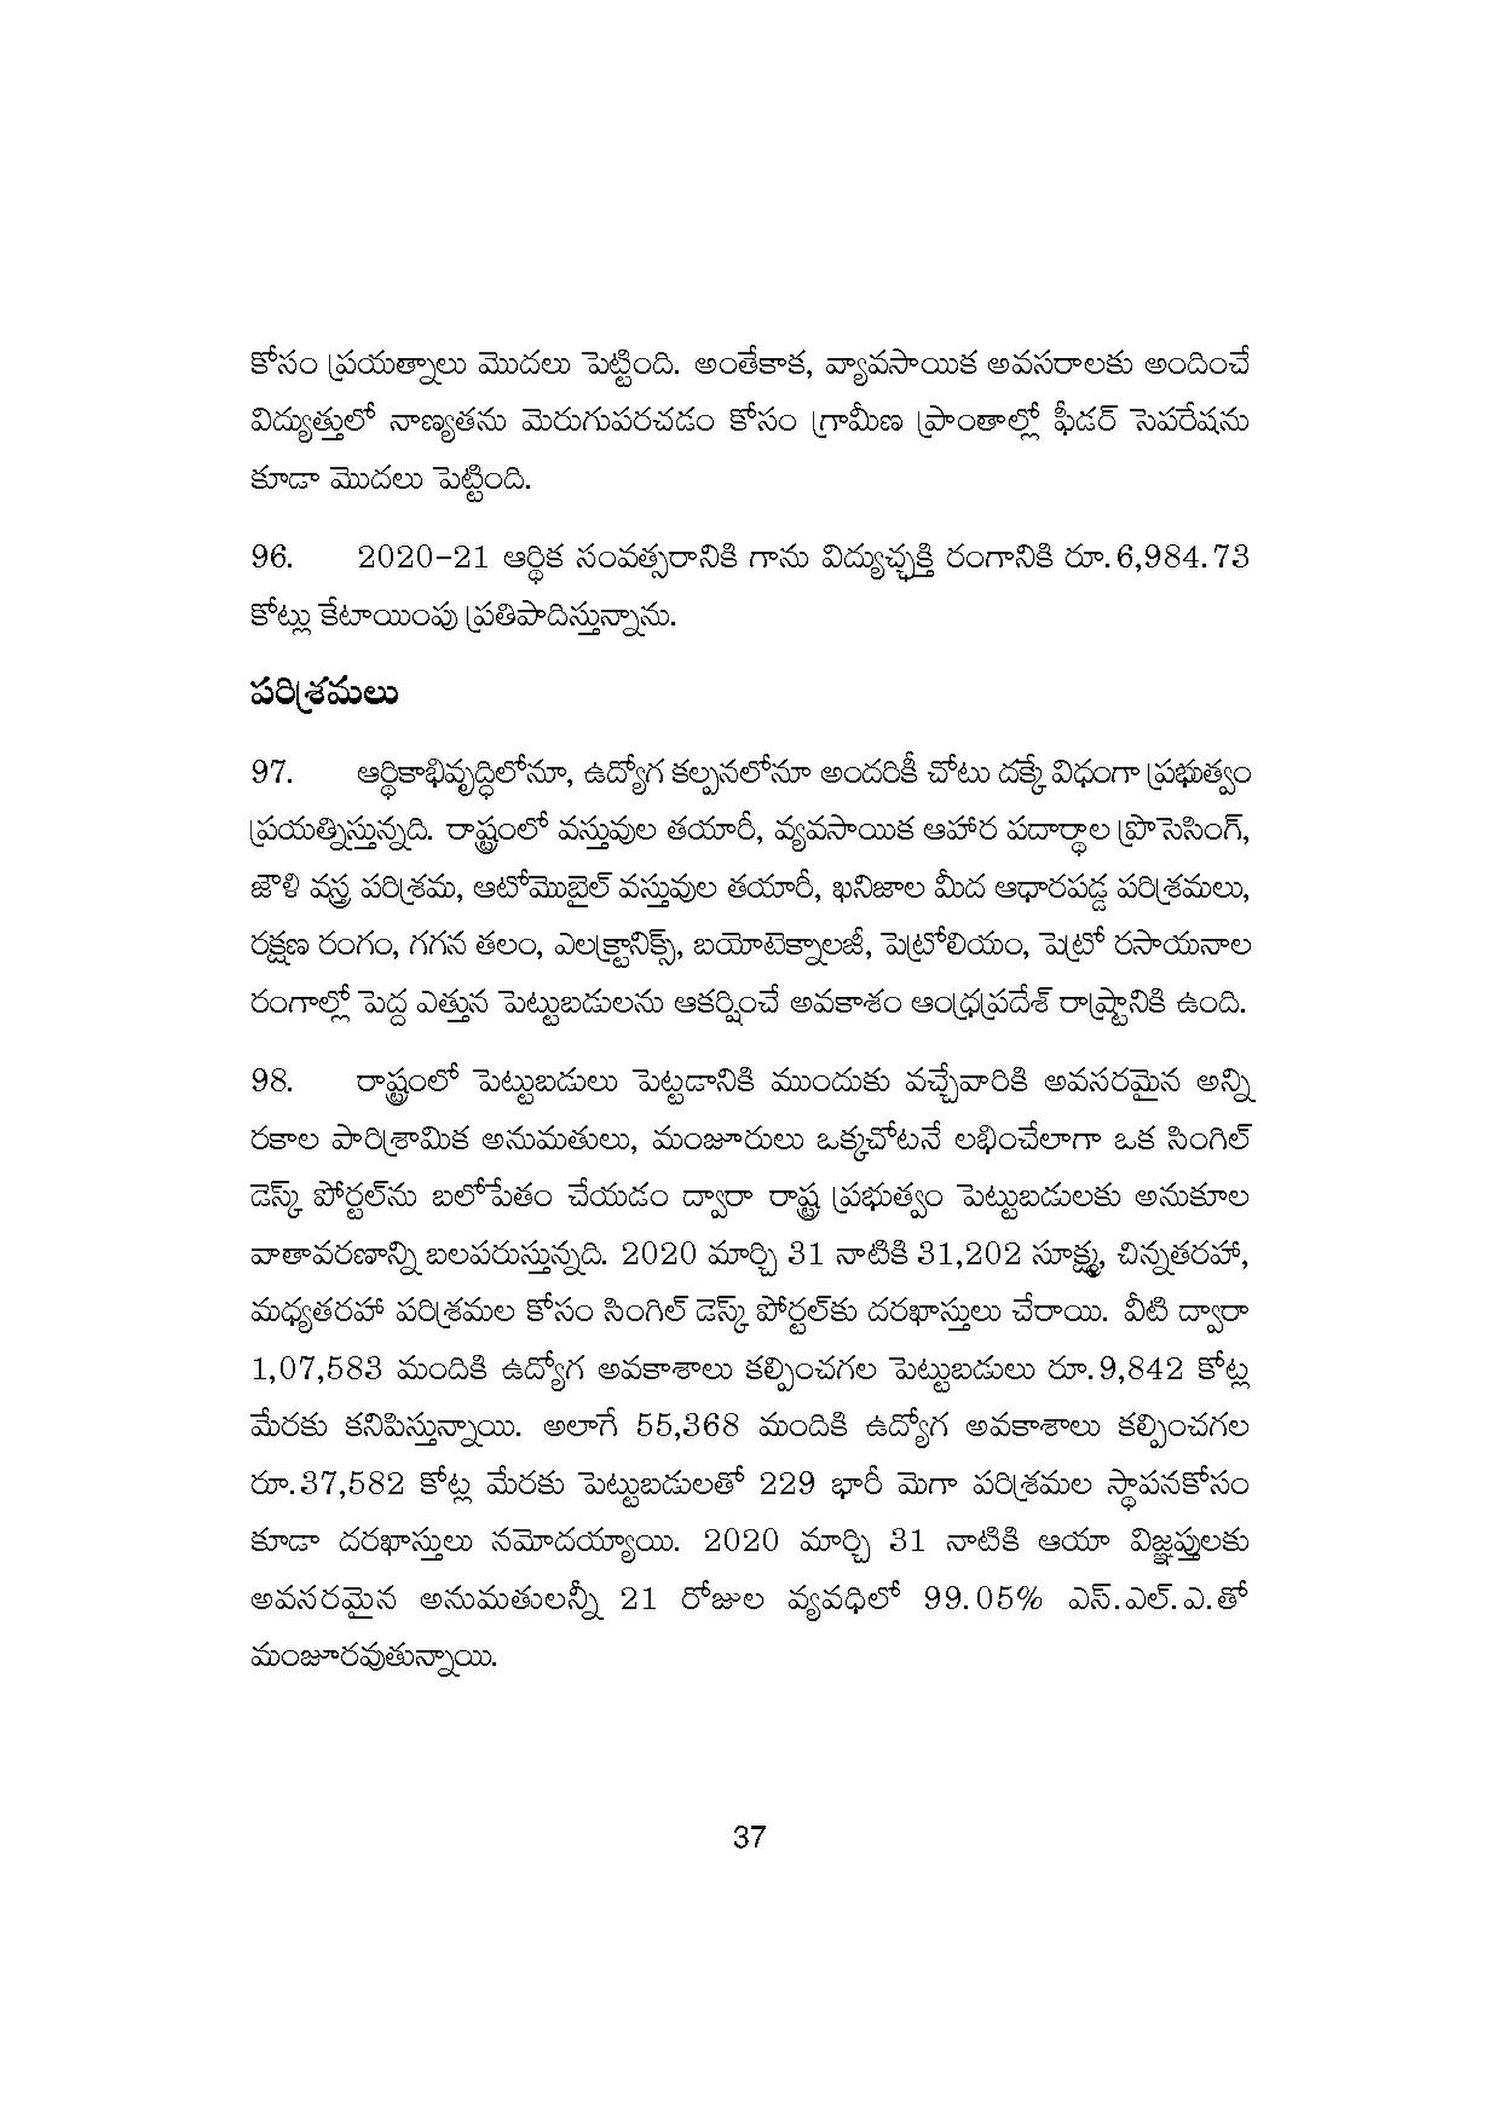కోసం ప్రయత్నాలు మొదలు పెట్టింది. అంతేకాక, వ్యావసాయిక అవసరాలకు అందించే విద్యుత్తులో నాణ్యతను మెరుగుపరచడం కోసం గ్రామీణ ప్రాంతాల్లో ఫీడర్ సెపరేషను కూడా మొదలు పెట్టింది. 

96. 2020-21 ఆర్థిక సంవత్సరానికి గాను విద్యుచ్ఛక్తి రంగానికి రూ. 6,984.73 కోట్లు కేటాయింపు ప్రతిపాదిస్తున్నాను. 

పరిశ్రమలు 

97. ఆర్థికాభివృద్ధిలోనూ, ఉద్యోగ కల్పనలోనూ అందరికీ చోటు దక్కే విధంగా ప్రభుత్వం ప్రయత్నిస్తున్నది. రాష్ట్రంలో వస్తువుల తయారీ, వ్యవసాయిక ఆహార పదార్థాల ప్రొసెసింగ్, జౌళి వస్త్ర పరిశ్రమ, ఆటోమొబైల్ వస్తువుల తయారీ, ఖనిజాల మీద ఆధారపడ్డ పరిశ్రమలు, రక్షణ రంగం, గగన తలం, ఎలక్ట్రానిక్స్, బయోటెక్నాలజీ, పెట్రోలియం, షెట్రో రసాయనాల రంగాల్లో పెద్ద ఎత్తున పెట్టుబడులను ఆకర్షించే అవకాశం ఆంధ్రప్రదేశ్ రాష్ట్రానికి ఉంది. 

98. రాష్ట్రంలో పెట్టుబడులు పెట్టడానికి ముందుకు వచ్చేవారికి అవసరమైన అన్ని రకాల పారిశ్రామిక అనుమతులు, మంజూరులు ఒక్కచోటనే లభించేలాగా ఒక సింగిల్ డెస్క్ పోర్టల్ ను బలోపేతం చేయడం ద్వారా రాష్ట్ర ప్రభుత్వం పెట్టుబడులకు అనుకూల వాతావరణాన్ని బలపరుస్తున్నది. 2020 మార్చి 31 నాటికి 31,202 సూక్ష్మ, చిన్నతరహా, మధ్యతరహా పరిశ్రమల కోసం సింగిల్ డెస్క్ పోర్టల్‌కు దరఖాస్తులు చేరాయి. వీటి ద్వారా 1,07,583 మందికి ఉద్యోగ అవకాశాలు కల్పించగల పెట్టుబడులు రూ.9,842 కోట్ల మేరకు కనిపిస్తున్నాయి. అలాగే 55,368 మందికి ఉద్యోగ అవకాశాలు కల్పించగల రూ.37,582 కోట్ల మేరకు పెట్టుబడులతో 229 భారీ మెగా పరిశ్రమల స్థాపనకోసం కూడా దరఖాస్తులు నమోదయ్యాయి. 2020 మార్చి 31 నాటికి ఆయా విజ్ఞప్తులకు అవసరమైన అనుమతులన్నీ 21 రోజుల వ్యవధిలో 99.05% ఎస్.ఎల్.ఎ.తో మంజూరవుతున్నాయి.